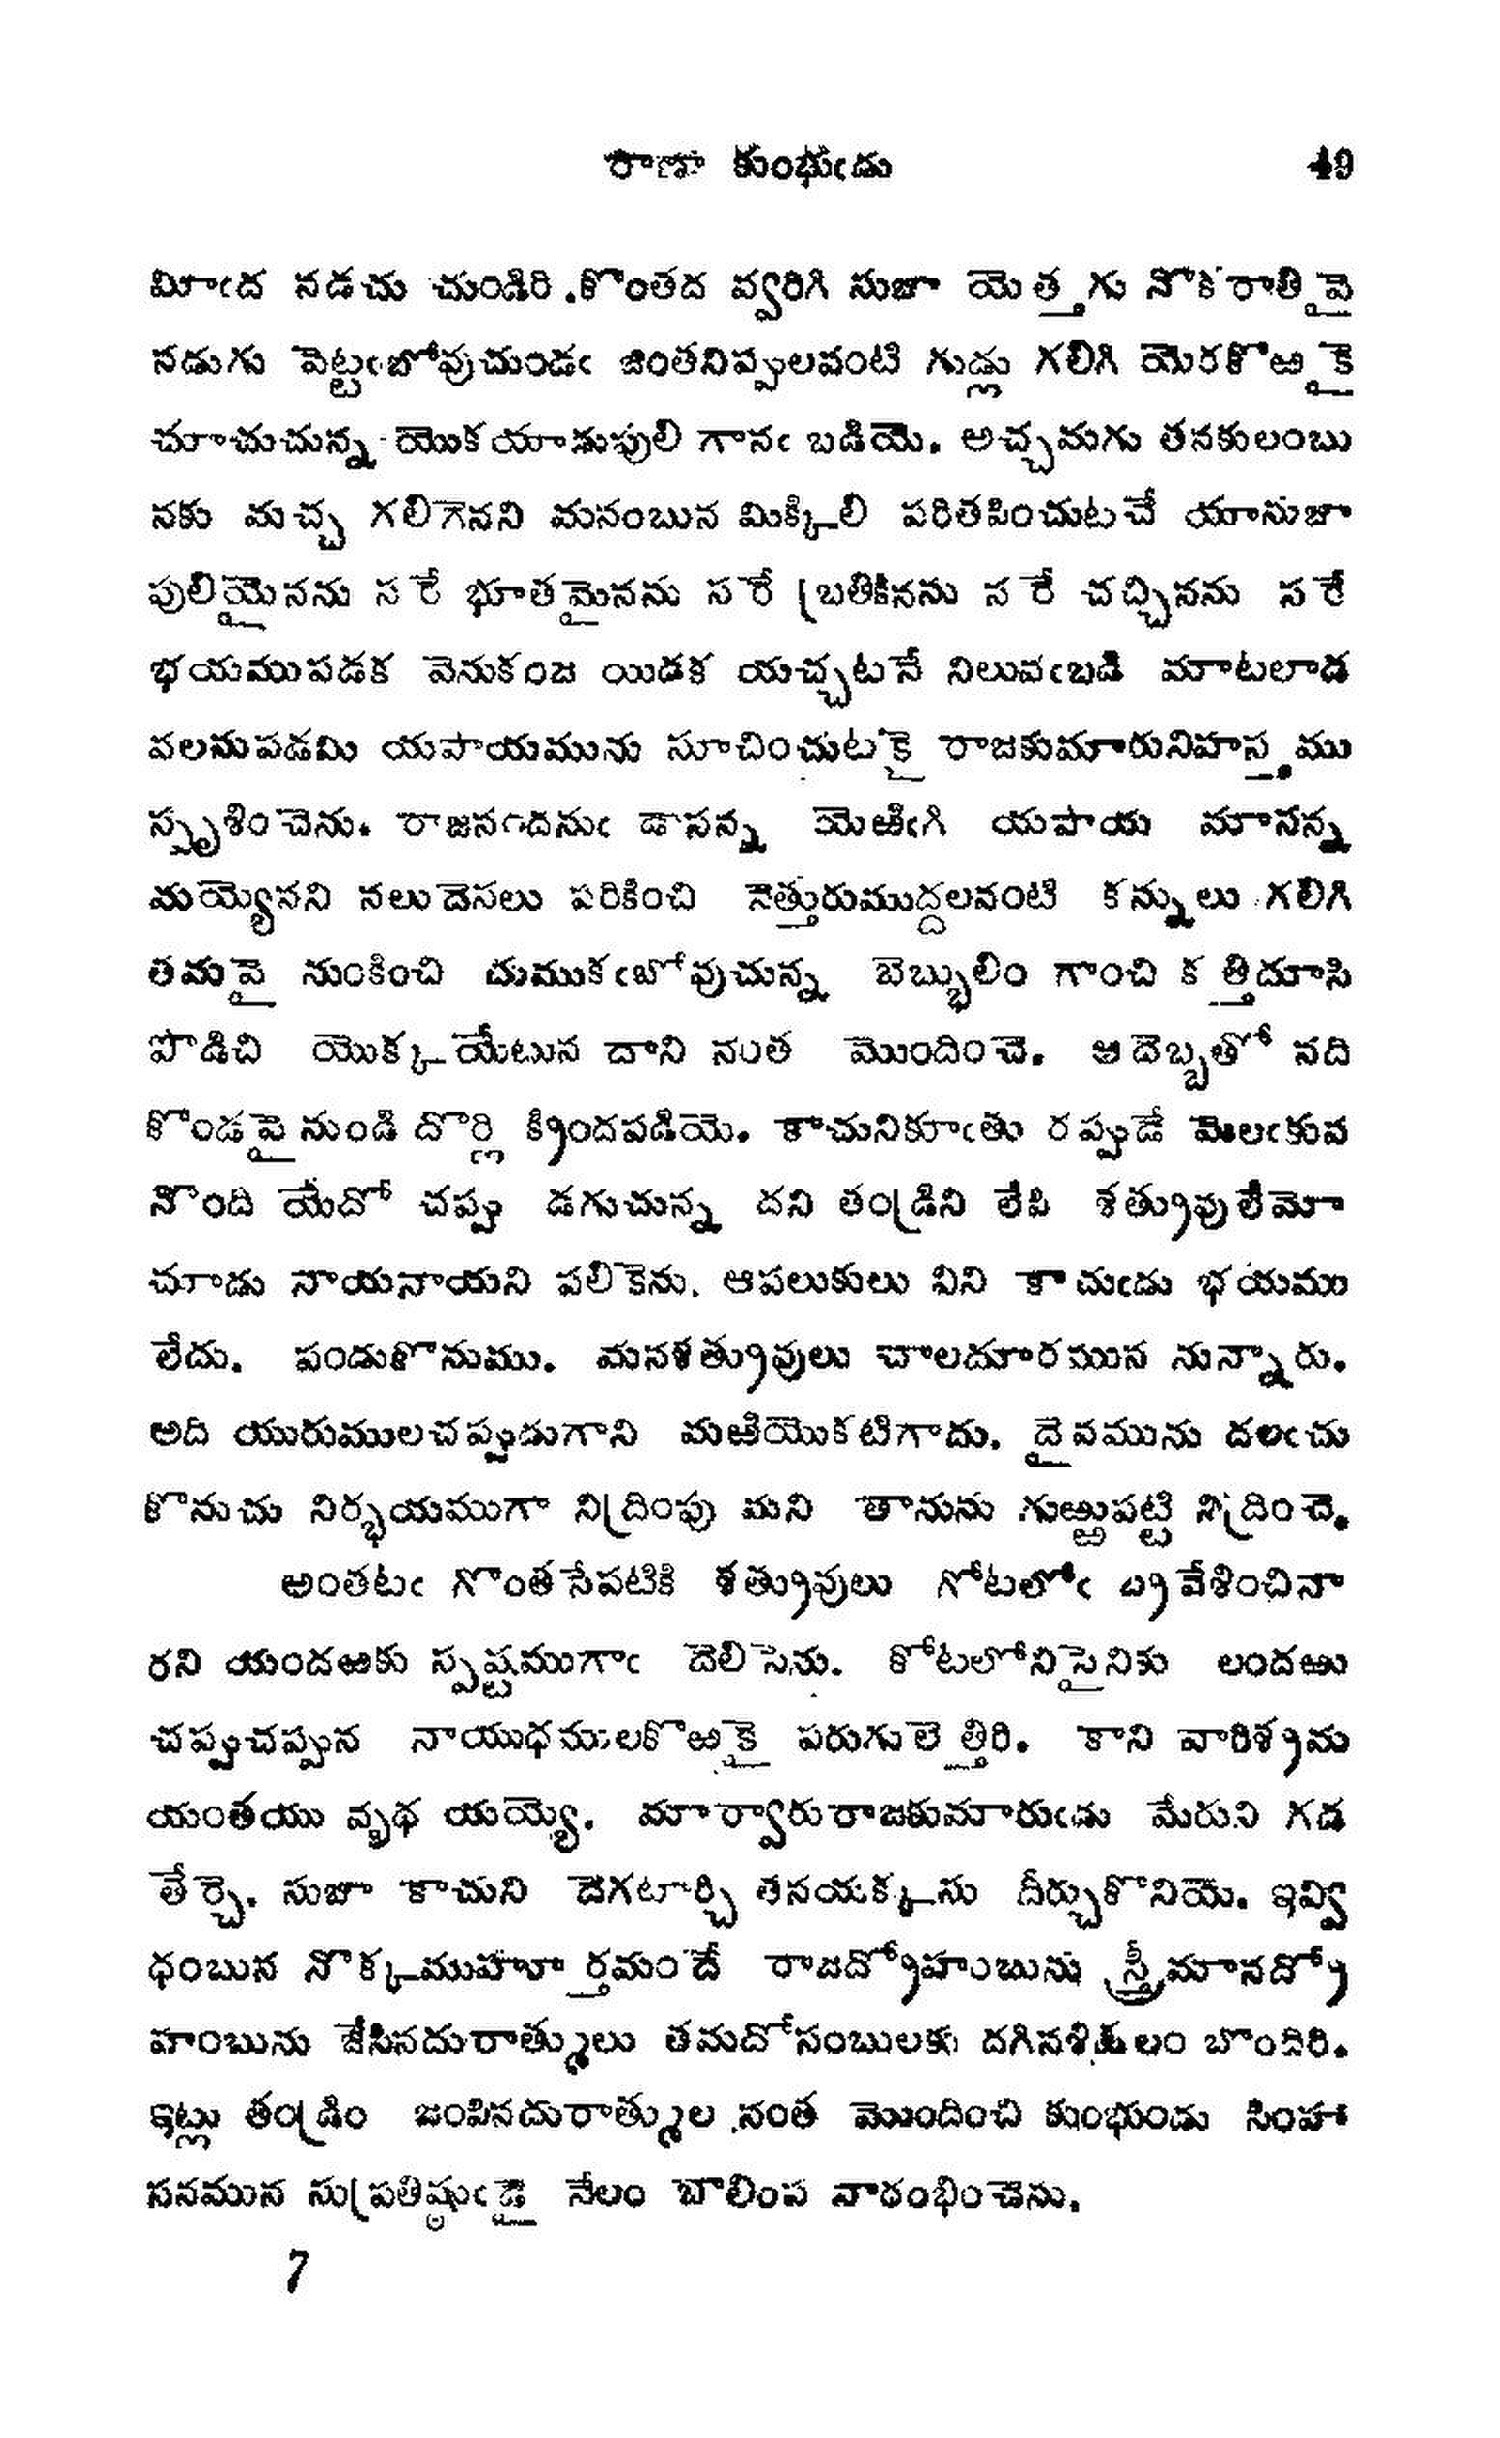మీఁద నడచు చుండిరి .కొంతద వ్వరిగి సుజా యెత్తగు నొక రాతిపై నడుగు పెట్టఁబోవుచుండఁ జింతనిప్పులవంటి గుడ్లు గలిగి యెరకోఱకై
చూచుచున్న యొక యాడు పులి గానఁ బడియె. అచ్చమగు తనకులంబునకు మచ్చ గలిగెనని మనంబున మిక్కిలి పరితపించుటచే యాసుజా పులియైనను సరే భూతమైనను సరే బ్రతికినను సరే చచ్చినను సరే భయము పడక వెనుకంజ యిడక యచ్చటనే నిలువఁబడి మాటలాడ వలను పడమి యపాయమును సూచించుటకై రాజకుమారునిహస్తము స్పృశించెను. 'రాజనందనుఁ డాసన్న యెఱిఁగి యపాయ మాసన్న మయ్యెనని నలు దెసలు పరికించి నెత్తురుముద్దలనంటి కన్నులు గలిగి తమపై నుంకించి దుముకఁబోవుచున్న బెబ్బులిం గాంచి కత్తిదూసి పొడిచి యొక్క యేటున దాని నంత మొందించె. ఆ దెబ్బతో నది కొండ పై నుండి దొర్లి క్రిందపడియె. కాచునికూఁతు రప్పుడే 'మెలఁకువ నొంది యేదో చప్పు డగుచున్న దని తండ్రిని లేపి శత్రువు లేమో చూడు నాయనాయని పలికెను. ఆపలుకులు విని కాచుఁడు భయము లేదు. పండుకొనుము. మనశత్రువులు చాలదూరమున నున్నారు. అది యురుములచప్పుడుగాని మఱియొకటిగాదు. దైవమును దలఁచు కొనుచు నిర్భయముగా నిద్రింపుమని తానును గుఱ్ఱుపట్టి నిద్రించె.

అంతటఁ గొంత సేపటికి శత్రువులు గోటలోఁ బ్రవేశించినారని యందఱకు స్పష్టముగాఁ దెలి సెను. కోటలోని సైనికు లందఱు
చప్పుచప్పున నాయుధములకొఱకై పరుగు లెత్తిరి. కాని వారిశ్రమ యంతయు వృథ యయ్యె. మార్వారు రాజకుమారుఁడు మేరుని గడ
తేర్చె. సుజా కాచుని దెగటార్చి తనయక్కసు దీర్చుకొనియె. ఇవ్విధంబున నొక్క ముహూర్తమందే రాజద్రోహంబును స్త్రీమానద్రోహంబును జేసినదురాత్ములు తమదోసంబులకు దగినశిక్షలం బొందిరి. ఇట్లు తండ్రిం జంపిన దురాత్ముల నంత మొందించి కుంభుండు సింహా
సనమున సుప్రతిష్ఠుఁడై నేలం బాలింస నారంభించెసు,